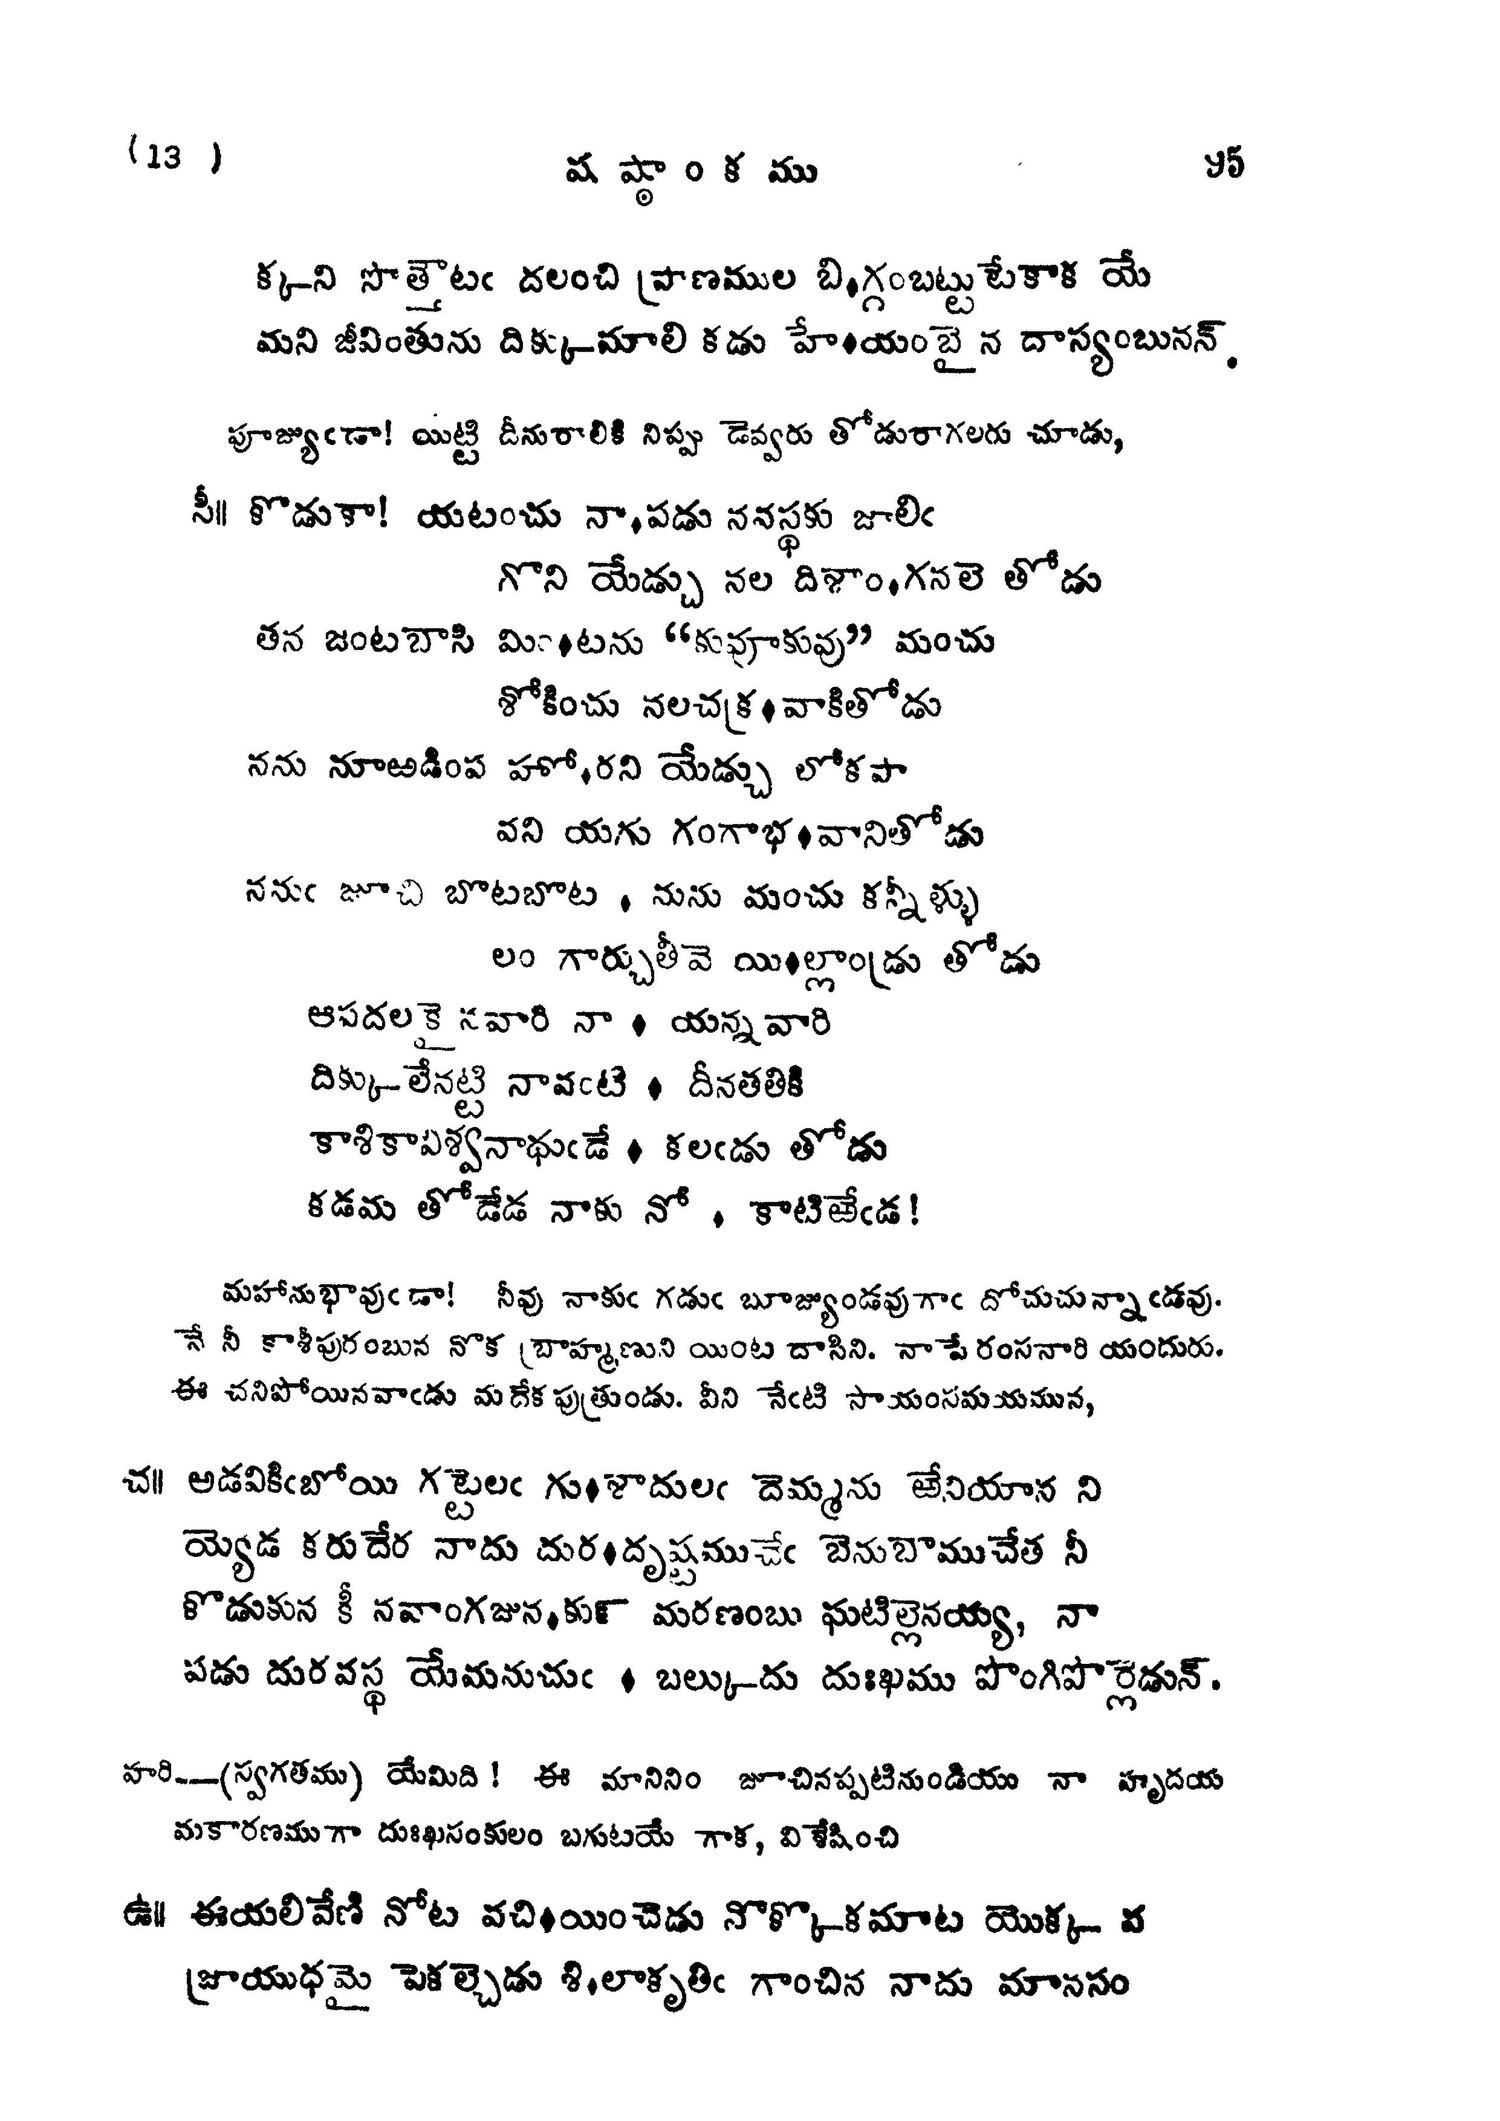క్కని సొత్తౌటఁ దలంచి ప్రాణముల బిగ్గంబట్టుటేకాక యే
మని జీవింతును దిక్కుమాలి కడుహేయంబైన దాస్యంబునన్‌?

పూజ్యుడా! ఈ దీనురాలికి నిప్పుడెవ్వరు తోడురాఁ గలరు? చూడు,

సీ. కొడుకా! యటంచు నా పడు నవస్థకు జాలి
 గొని యేడ్చు నలదిశాంగనలె తోడు
తన జంటంబాసి మింటను గూవు కూవు మంచు
 శోకించు నల చక్రవాకి తోడు
ననుఁ నూరడింప హోరని యేడ్చు లోక పా
 వనియగు గంగా భవాని తోడు
నను జూచిఁ బొటబొట మని మంచు కన్నీరు
 లం గార్చు తీవెయిల్లాండ్రు తోడు

 	ఆపదలకై వారి నా యన్న వారి
 దిక్కులేనట్టి నా వంటి దీనసతికిం
 కాశీ విశ్వనాథుడే కలడు తోడు
 కడమ తోడేడ నాకు నో కాటిఱేఁడ!

మహానుభావుఁడా! నీవు నాకు గడు బూజ్యుడవుగా దోచుచున్నాడవు. నేనీ కాశీ పురంబున నొక బ్రాహ్మణుని యిం
ట దాసిని. నా పే రంసనారి యందురు. ఈ చనిపోయినవాడు మదేక పుత్రుఁడు, వీనిని నేఁటి సాయంసమయమున

చ. 	అడవికి బోయిఁ గట్టెలఁ గుశాదుల దెమ్మను ఱేని యాన ని
య్యడ కరుదేర నాదు దురదృష్టముచే బెనుబాముచేత నీ
కొడుకున కీ నవాంగనజునకున్‌ మరణమ్ము ఘటిల్లెనయ్య నా
పడు దురవస్థ యేమనుచుఁ బల్కుదు? దుఃఖము పొంగి పొర్లెడున్‌

హరి - (స్వగతము) ఏమిది? ఈ మానినిం జూచినప్పటి నుండియు నా హృదయ మకారణముగా దుఃఖ సంకులం బగుటయే కాక విశేషించి

ఉ. 	ఈయలివేణి నోట వచియించెడు నొక్కొక్కమాట యొక్క వ
జ్రాయుధమై పెకల్చెడు శిలాకృతియ గాంచిన నాదు మానసం